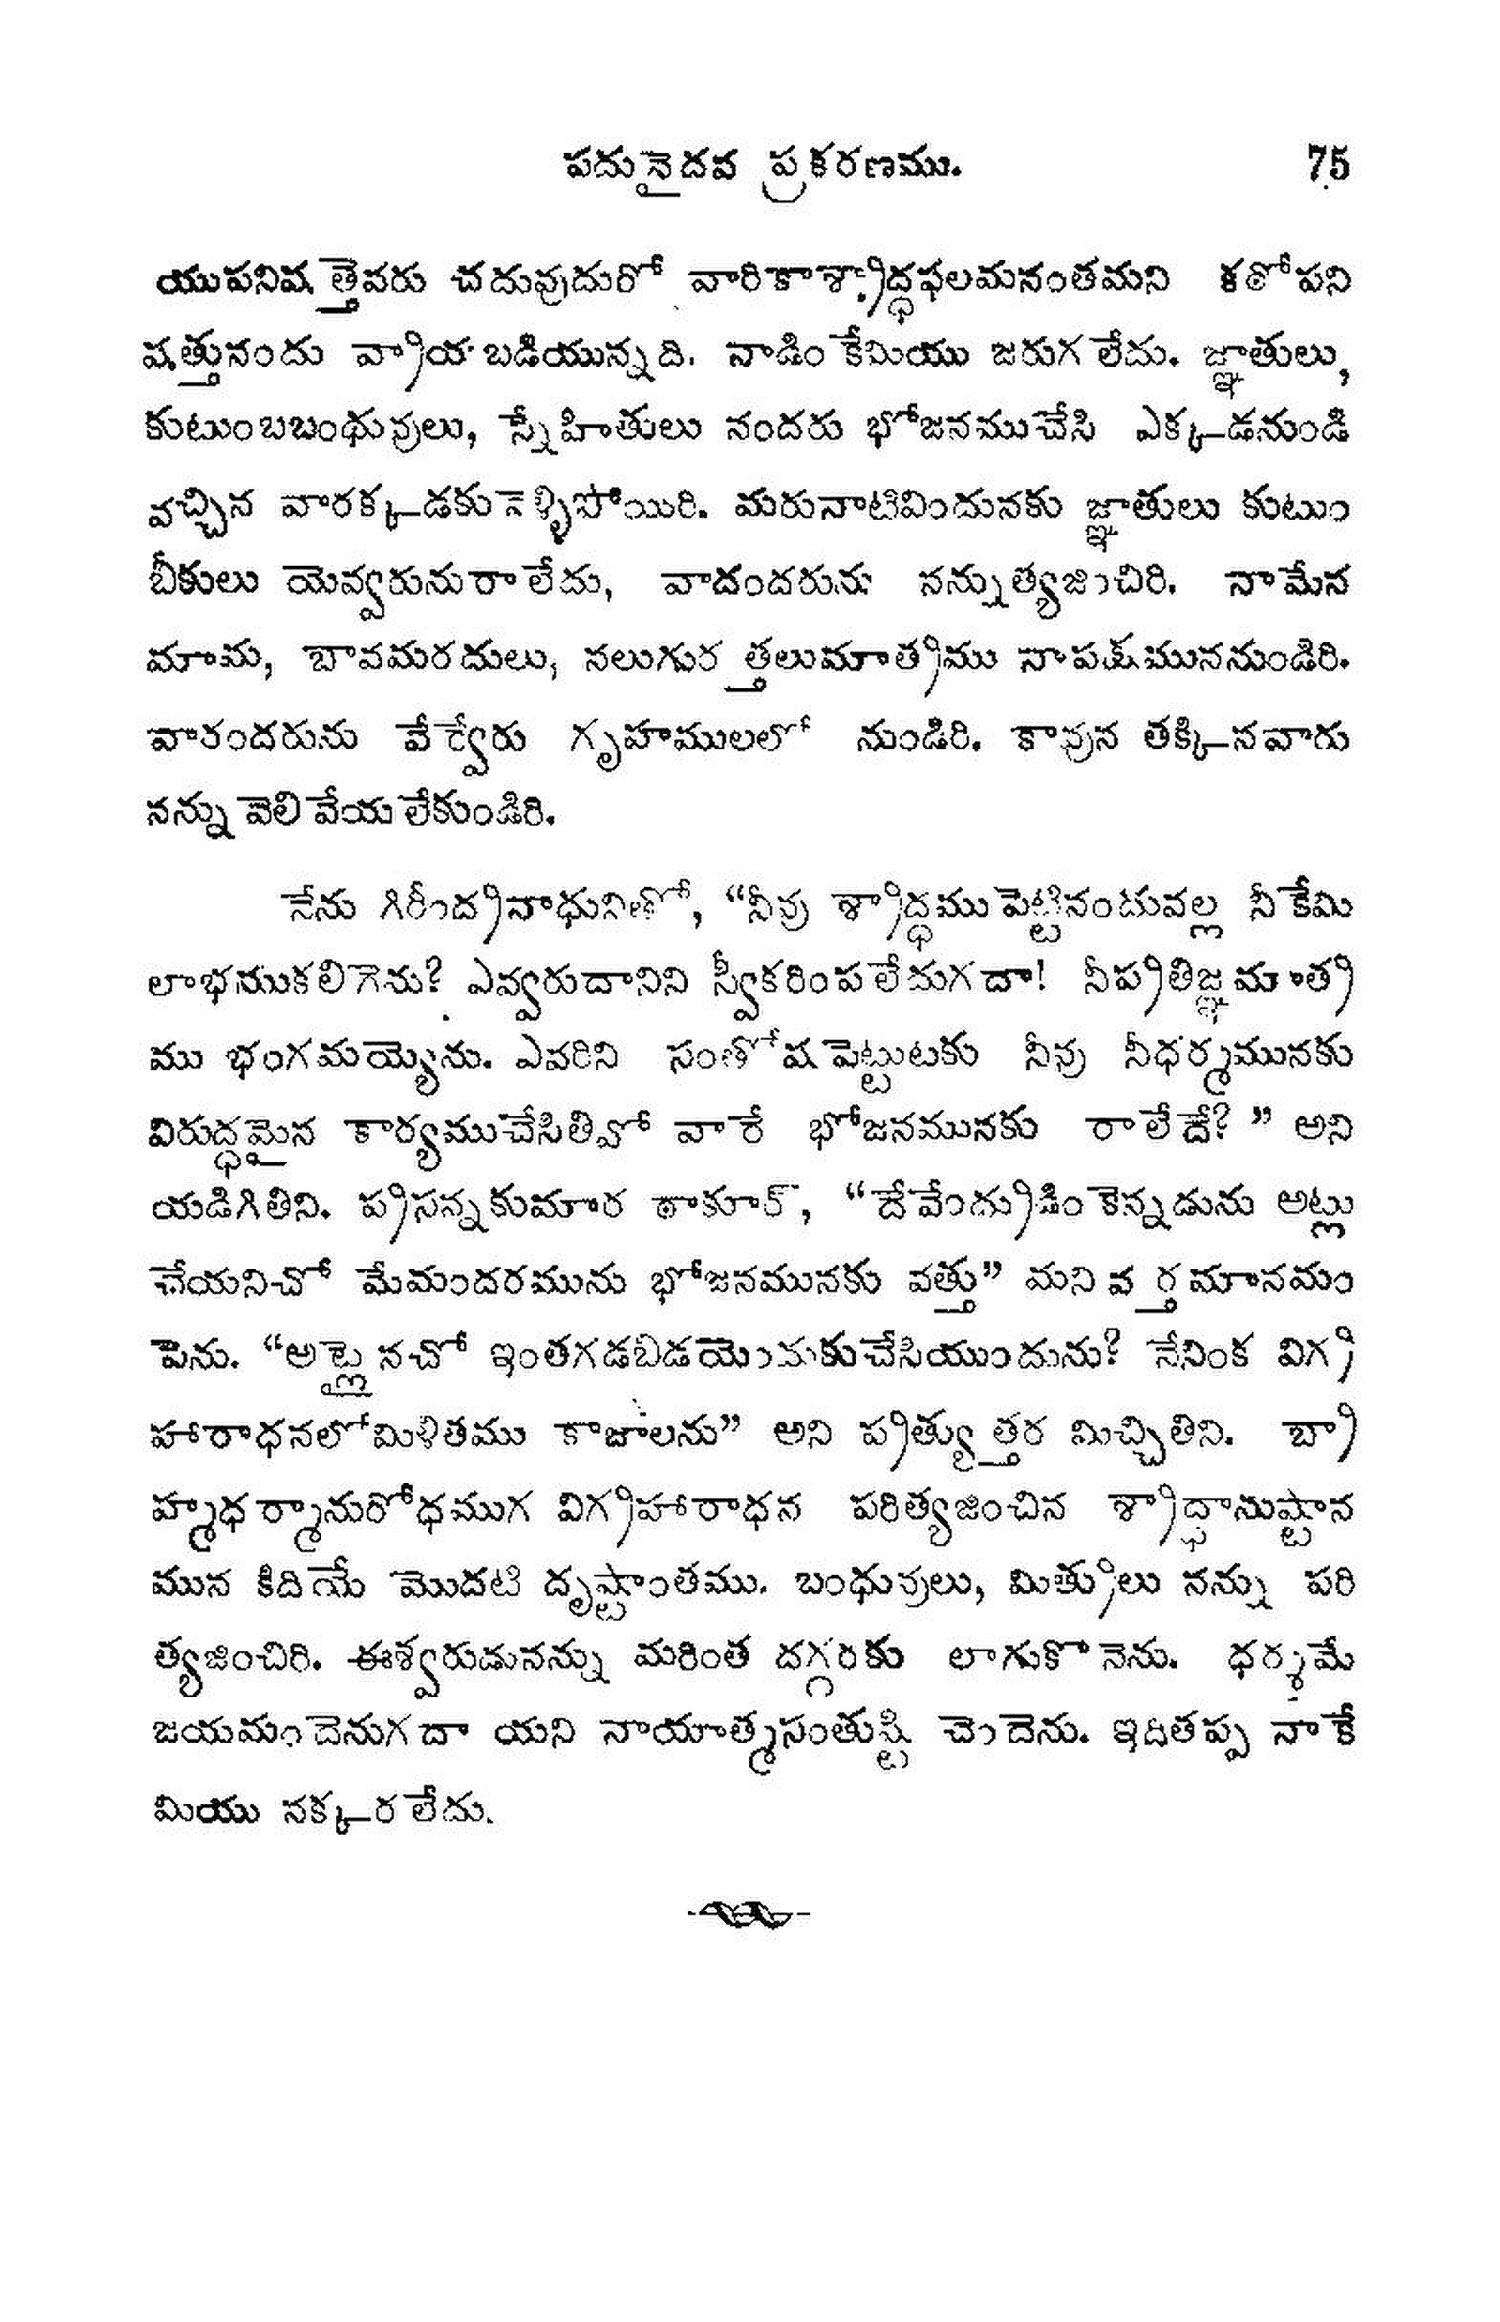యుపనిషత్తెవరు చదువుదురో వారికాశ్రాద్ధ ఫల మనం తమని కఠోపని
షత్తునందు వ్రావాయ బడియున్నది. నాడింకేమియు జరుగ లేదు. జ్ఞాతులు,
కుటుంబబంధువులు, స్నేహితులు నందరు భోజనము చేసి ఎక్కడనుండి
వచ్చిన వారక్కడకు వెళ్ళిపోయిరి. మరునాటి విందునకు జ్ఞాతులు కుటుంబీకులు యెవ్వరును రాలేదు, వాదందరును నన్ను త్యజించిరి. నామేనమామ, బావమరదులు, నలుగురత్తలు మాతము నాపక్షముననుండిరి.వారందరును వేర్వేరు గృహములలో నుండిరి. కావున తక్కినవారు నన్ను వెలివేయ లేకుండిరి.

నేను గిరీంద్ర నాధునితో, “నీవు శ్రాద్ధము పెట్టినందువల్ల నీ కేమి లాభము
కలిగెను? ఎవ్వరు దానిని స్వీకరింప లేదుగ దా! నీ ప్రతిజ్ఞ మత్రము భంగమయ్యెను. ఎవరిని సంతోష పెట్టుటకు నీవు నీధర్మమునకు విరుద్ధమైన కార్యము చేసితివో వారే భోజనమునకు రాలేదే? ” అని యడిగితిని, ప్రసన్నకుమార ఠాకూర్, "దేవేంద్రుడింకెన్నడును అట్లు చేయనిచో మేమందరమును భోజనమునకు వత్తు” మని వర్తమానమంపెను. “అత్తైనచో ఇంత గడబిడ యెందుకు చేసియుందును? 'నేనింక విగ్రహారాధనలో మిళితము కాజాలను” అని ప్రత్యుత్తర మిచ్చితిని. బాహ్మధర్మానురోధముగ విగ్రహారాధన పరిత్యజించిన శ్రద్ధానుష్టాన
మున కిదియే 'మొదటి దృష్టాంతము. బంధువులు, మిత్రులు నన్ను పరి
త్యజించిరి. ఈశ్వరుడు నన్ను మరింత దగ్గరకు లాగుకొనెను. ధర్మమే జయమందెనుగదా యని నాయత్మసంతుష్టి, చెందెను. ఇదితప్ప నాకేమియు నక్కర లేదు.